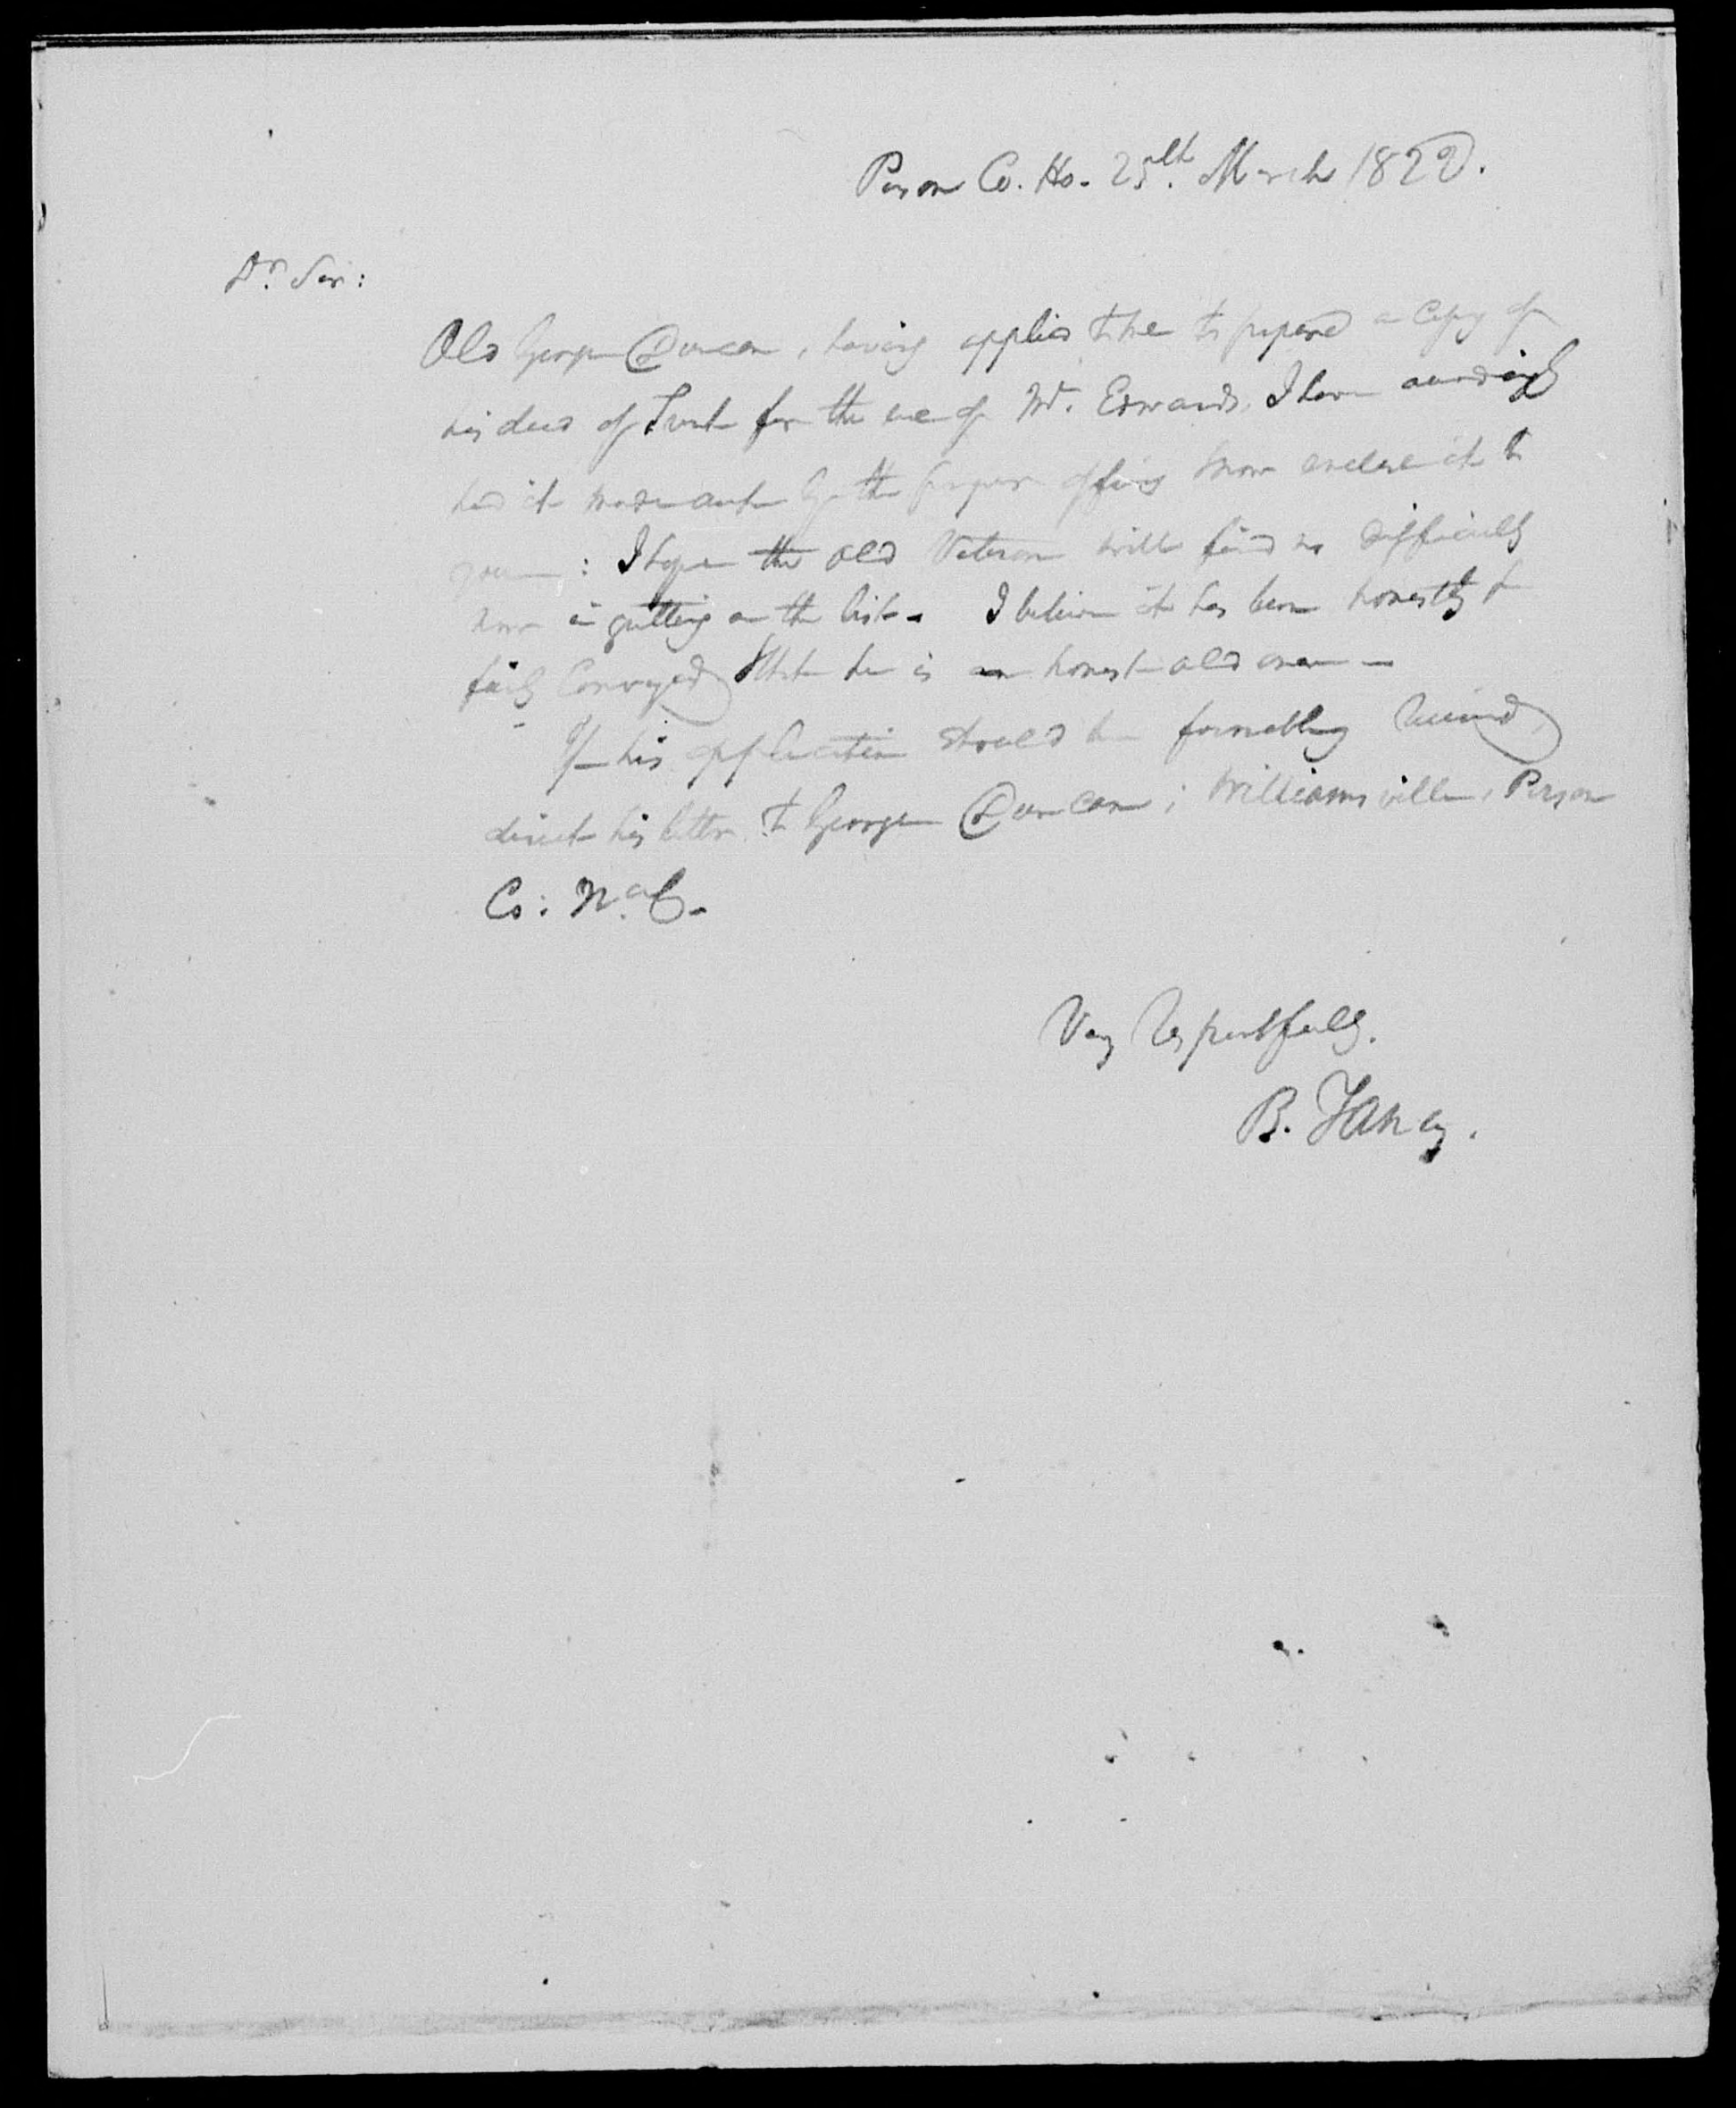Person County, House 25th March 1820

Dear Sir

Old George Duncan, having applied to me to prepare a copy of his deed of Land for the use of Mr. Edwards, I have accordingly had it made out by the proper officers. Now enclose it to you: I hope the old veteran will find no difficulty now in getting on the list. I believe it has been honestly and fairly conveyed that he is an honest old man-
If his application should be favorably received, direct his letter to George Duncan; Williamsville, 
Person County North Carolina

Very Respectfully,
B. Young.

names: George Duncan, Edwards, George Duncan, B Young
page: 49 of 49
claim: survivor's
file: S. 41513, George Duncan, N.C.